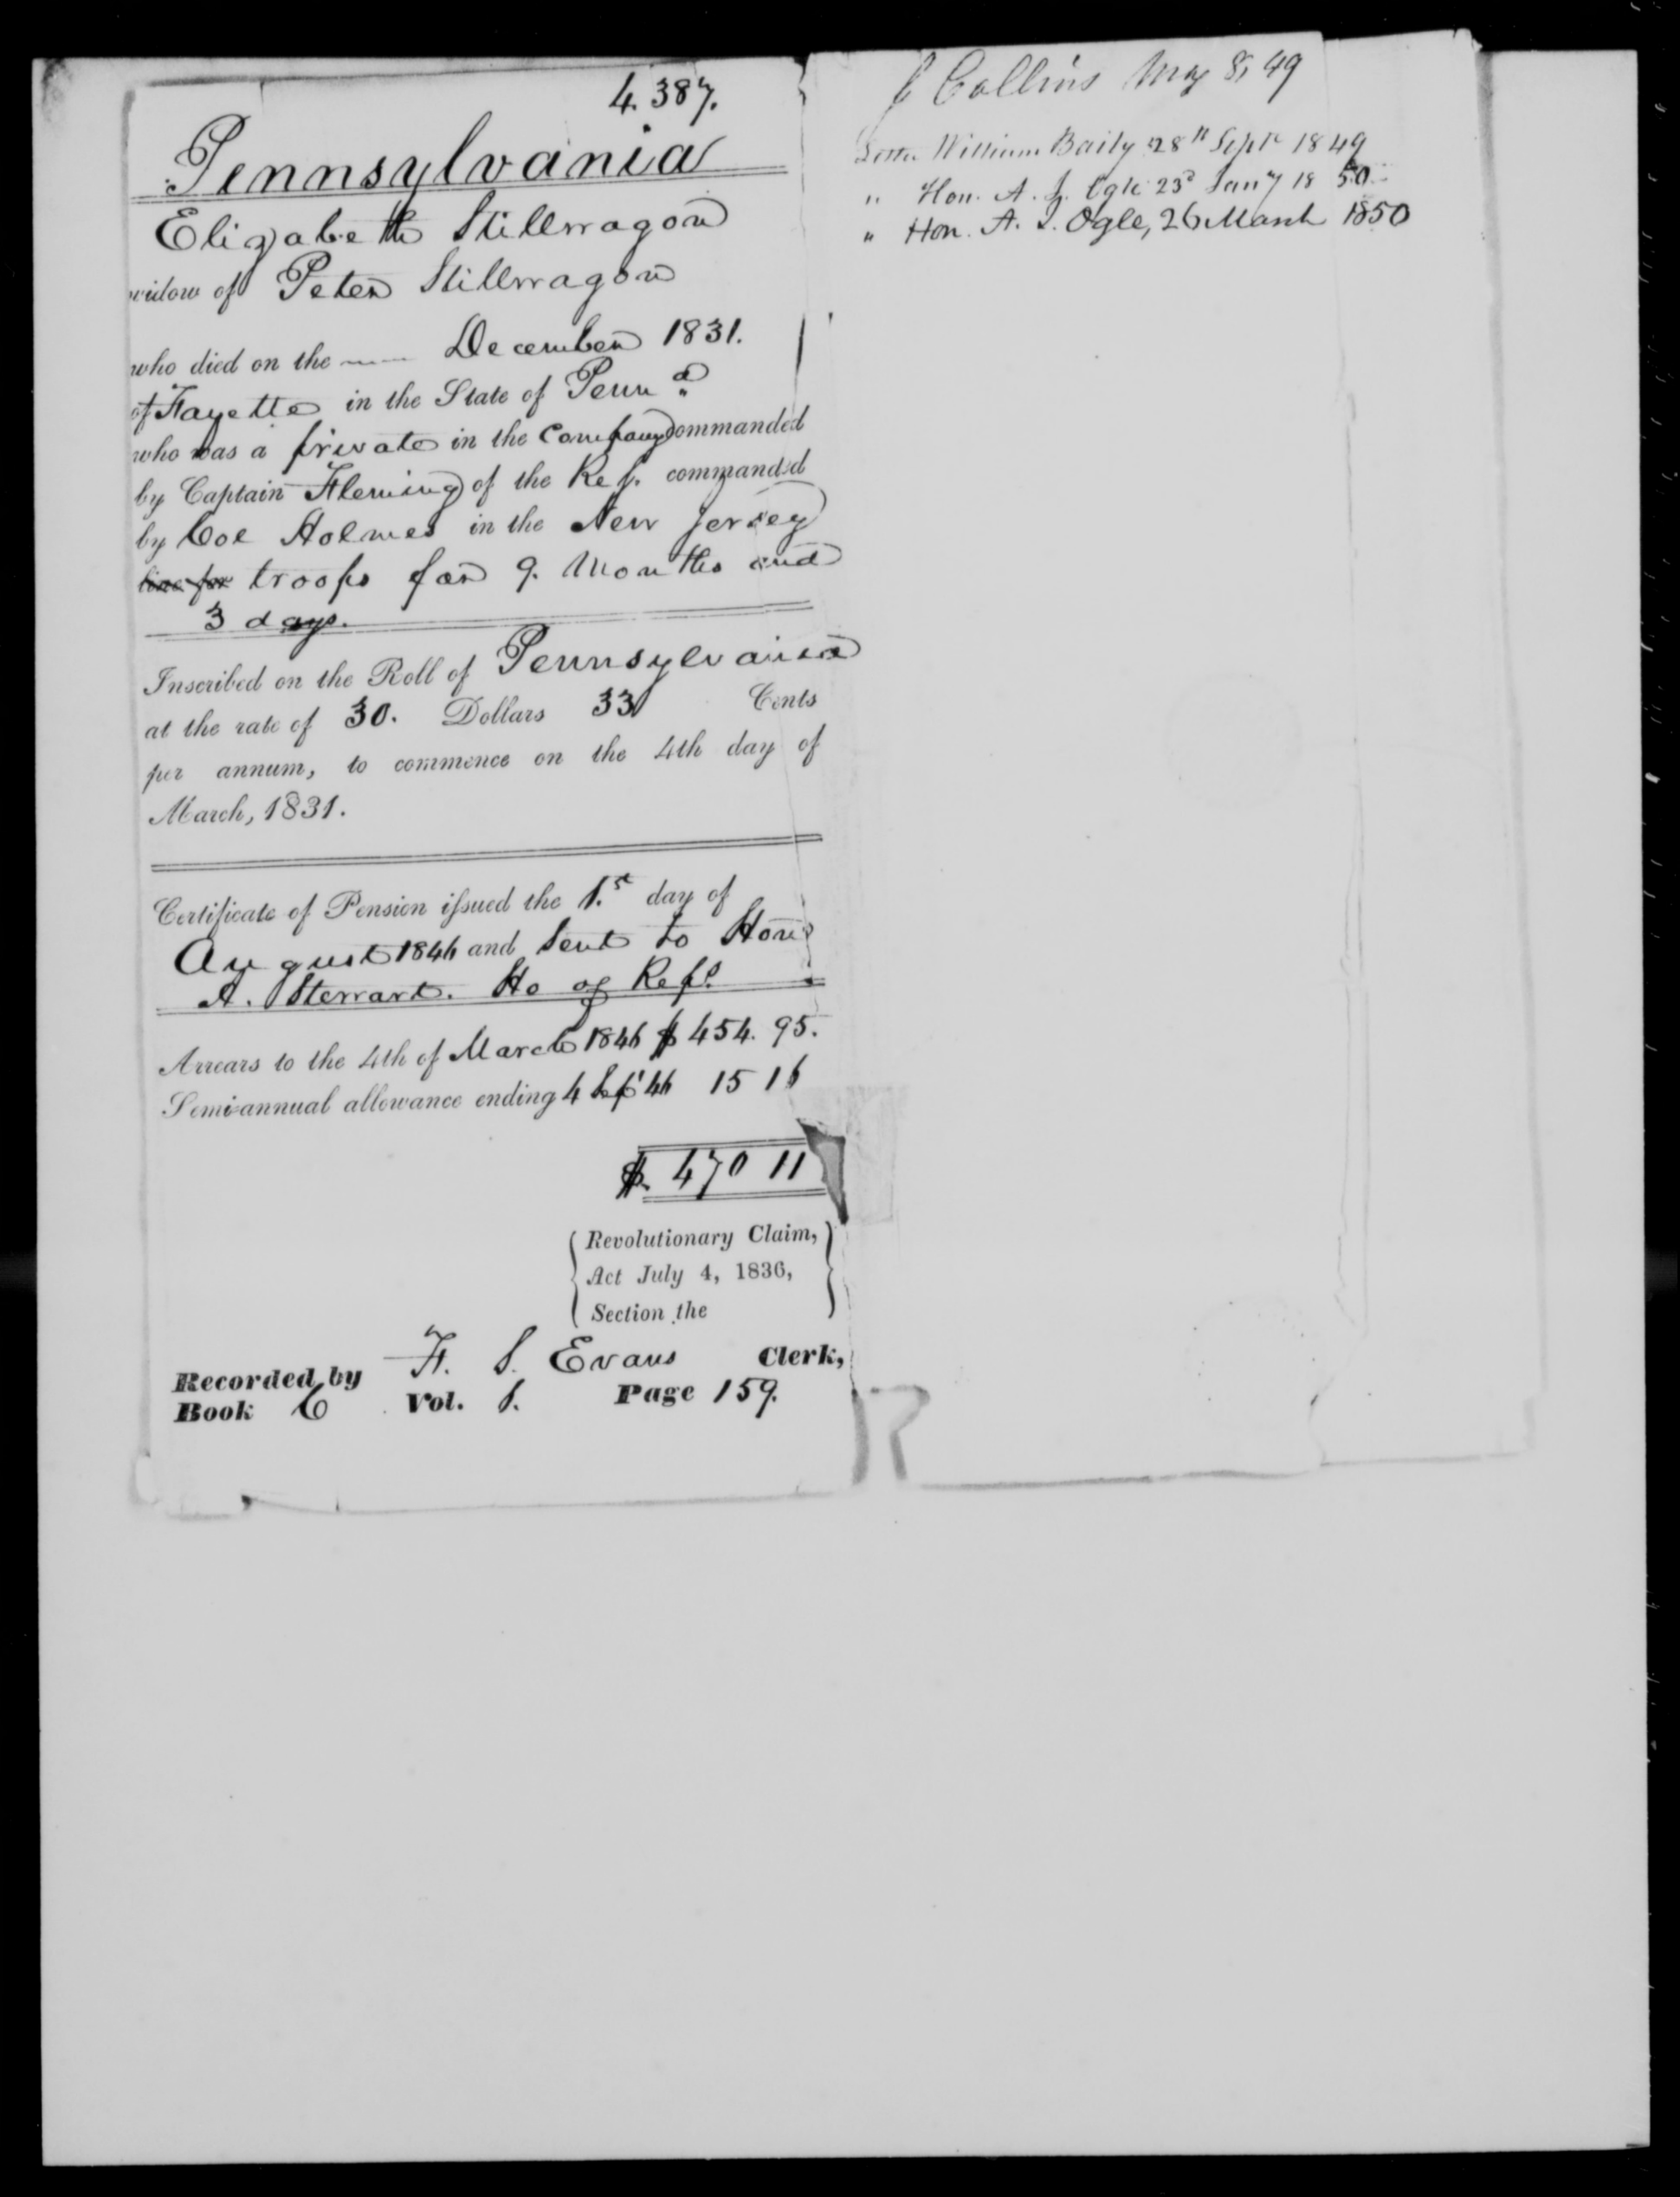[This document covers two pages of a book]

[Left page]
4387
Pennsylvania
Elizabeth Stillwagon
Widow of Peter Stillwagon who died in the [no date] December 1831. [There may be some words missing] of Fayette in the State of Penna who was a private in the Company commanded by Captain Fleming of the Reg. commanded by Col Holmes in the New Jersey [crossed out] line for [crossed out] troops for 9 months and 3 days.
Inscribed on the Roll of Pennsylvania at the rate of 30. Dollars 33 Cents per annum, to commence on the 4th day of March, 1831.

Certificate of Pension issued the 1st day of August 1846 and sent to Hon. A. Stewart Ho of Rep

Arrears to the 4th of March 184[illegible] $454.95

Semiannual allowance ending 4 Sep 4[illegible] 15.1[cut off/page torn]
					$470.11
Revolutionary Claim, Act July 4, 1836, Section the [nothing printed]

Recorded by F. S. Evans Clerk,
Book 6 Vol. 1 Page 159

[right hand page]
J Collins May 8, 49
Letter William Baily 28th Sept 1849
“         Hon. A. J. Ogle 23rd [illegible] 1850
“         Hon. A. J. Ogle, 26 March 1850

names: [BLANK] Fleming; A Stewart; [BLANK] Holmes; Elizabeth Stillwagon; A J Ogle; F S Evans; J Collins; A J Ogle; William Baily; Peter Stillwagon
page: 25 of 73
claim: widow's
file: W. 3197, for Peter Stillwagon, New Jersey